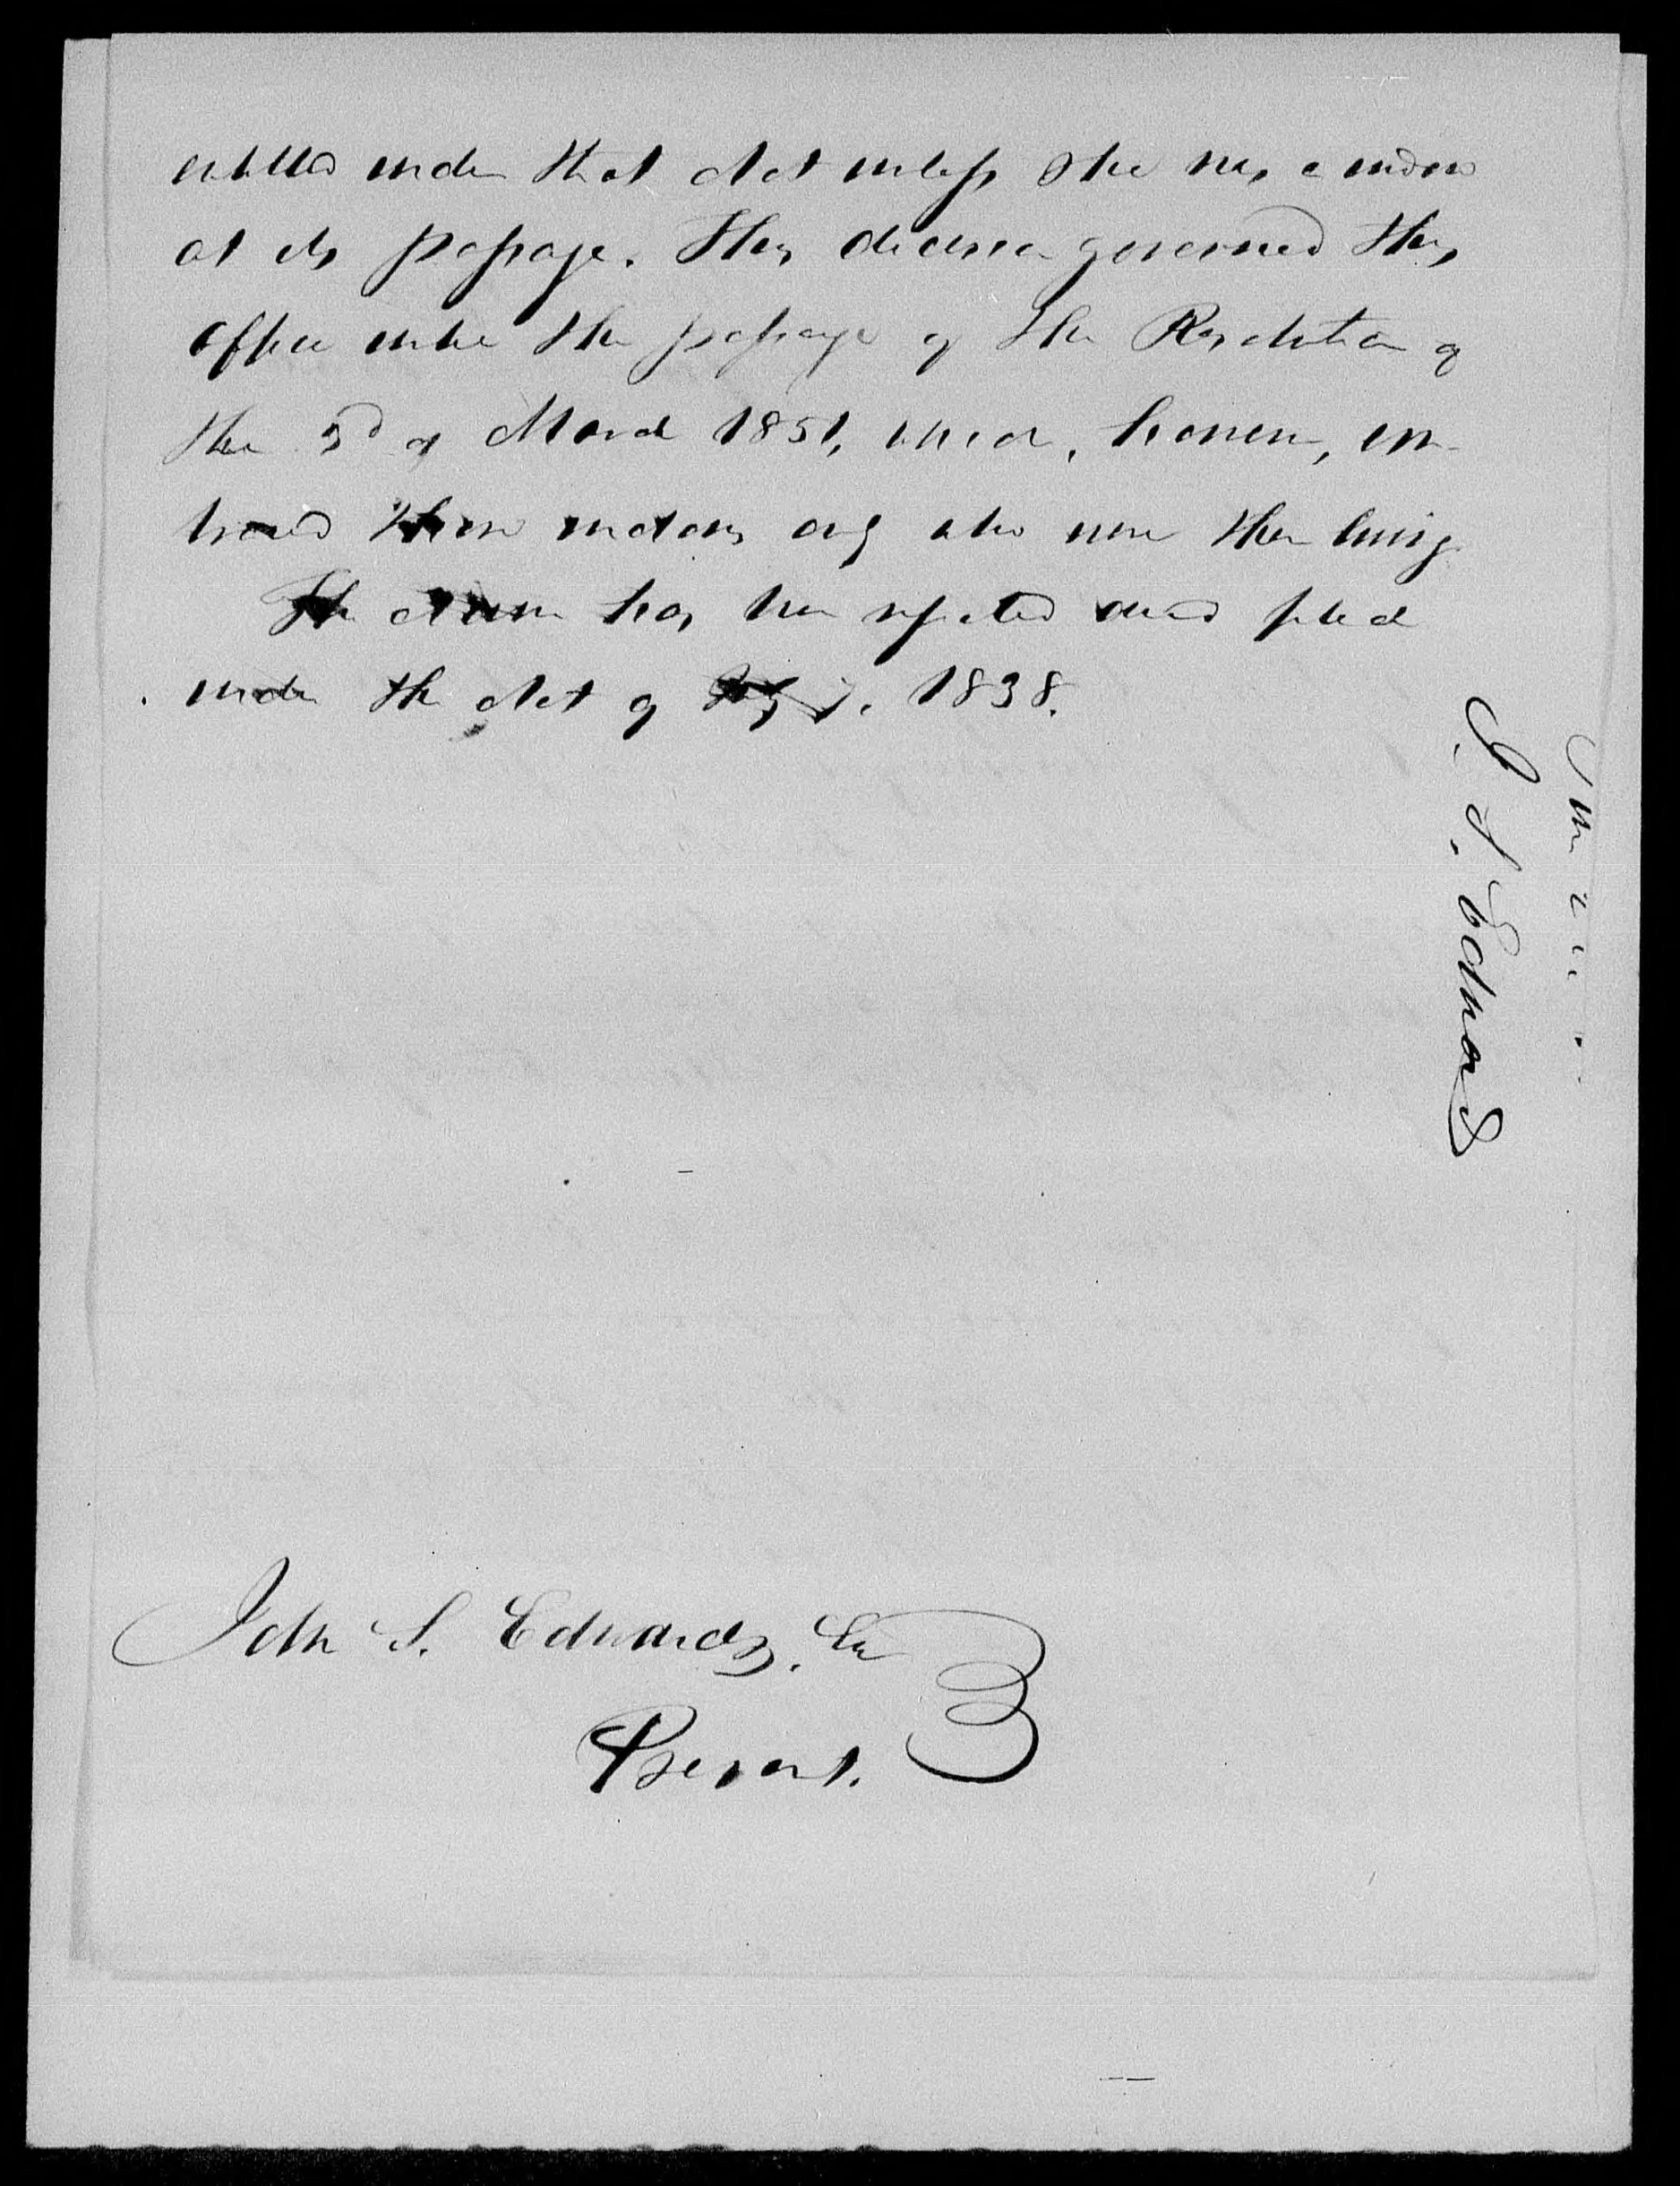entitled under that act unless she was a widow at its passage. Her decision governed this office until the passage of the [illegible] of 2nd of March 1851 when [illegible] matters are when living 

His claim has been rejected and filed under the Act of July 7, 1838.

J L Edwards

John L Edwards
Present.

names: J L Edwards, John L Edwards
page: 34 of 37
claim: rejected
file: R. 2516, Moses Crosley, Md.